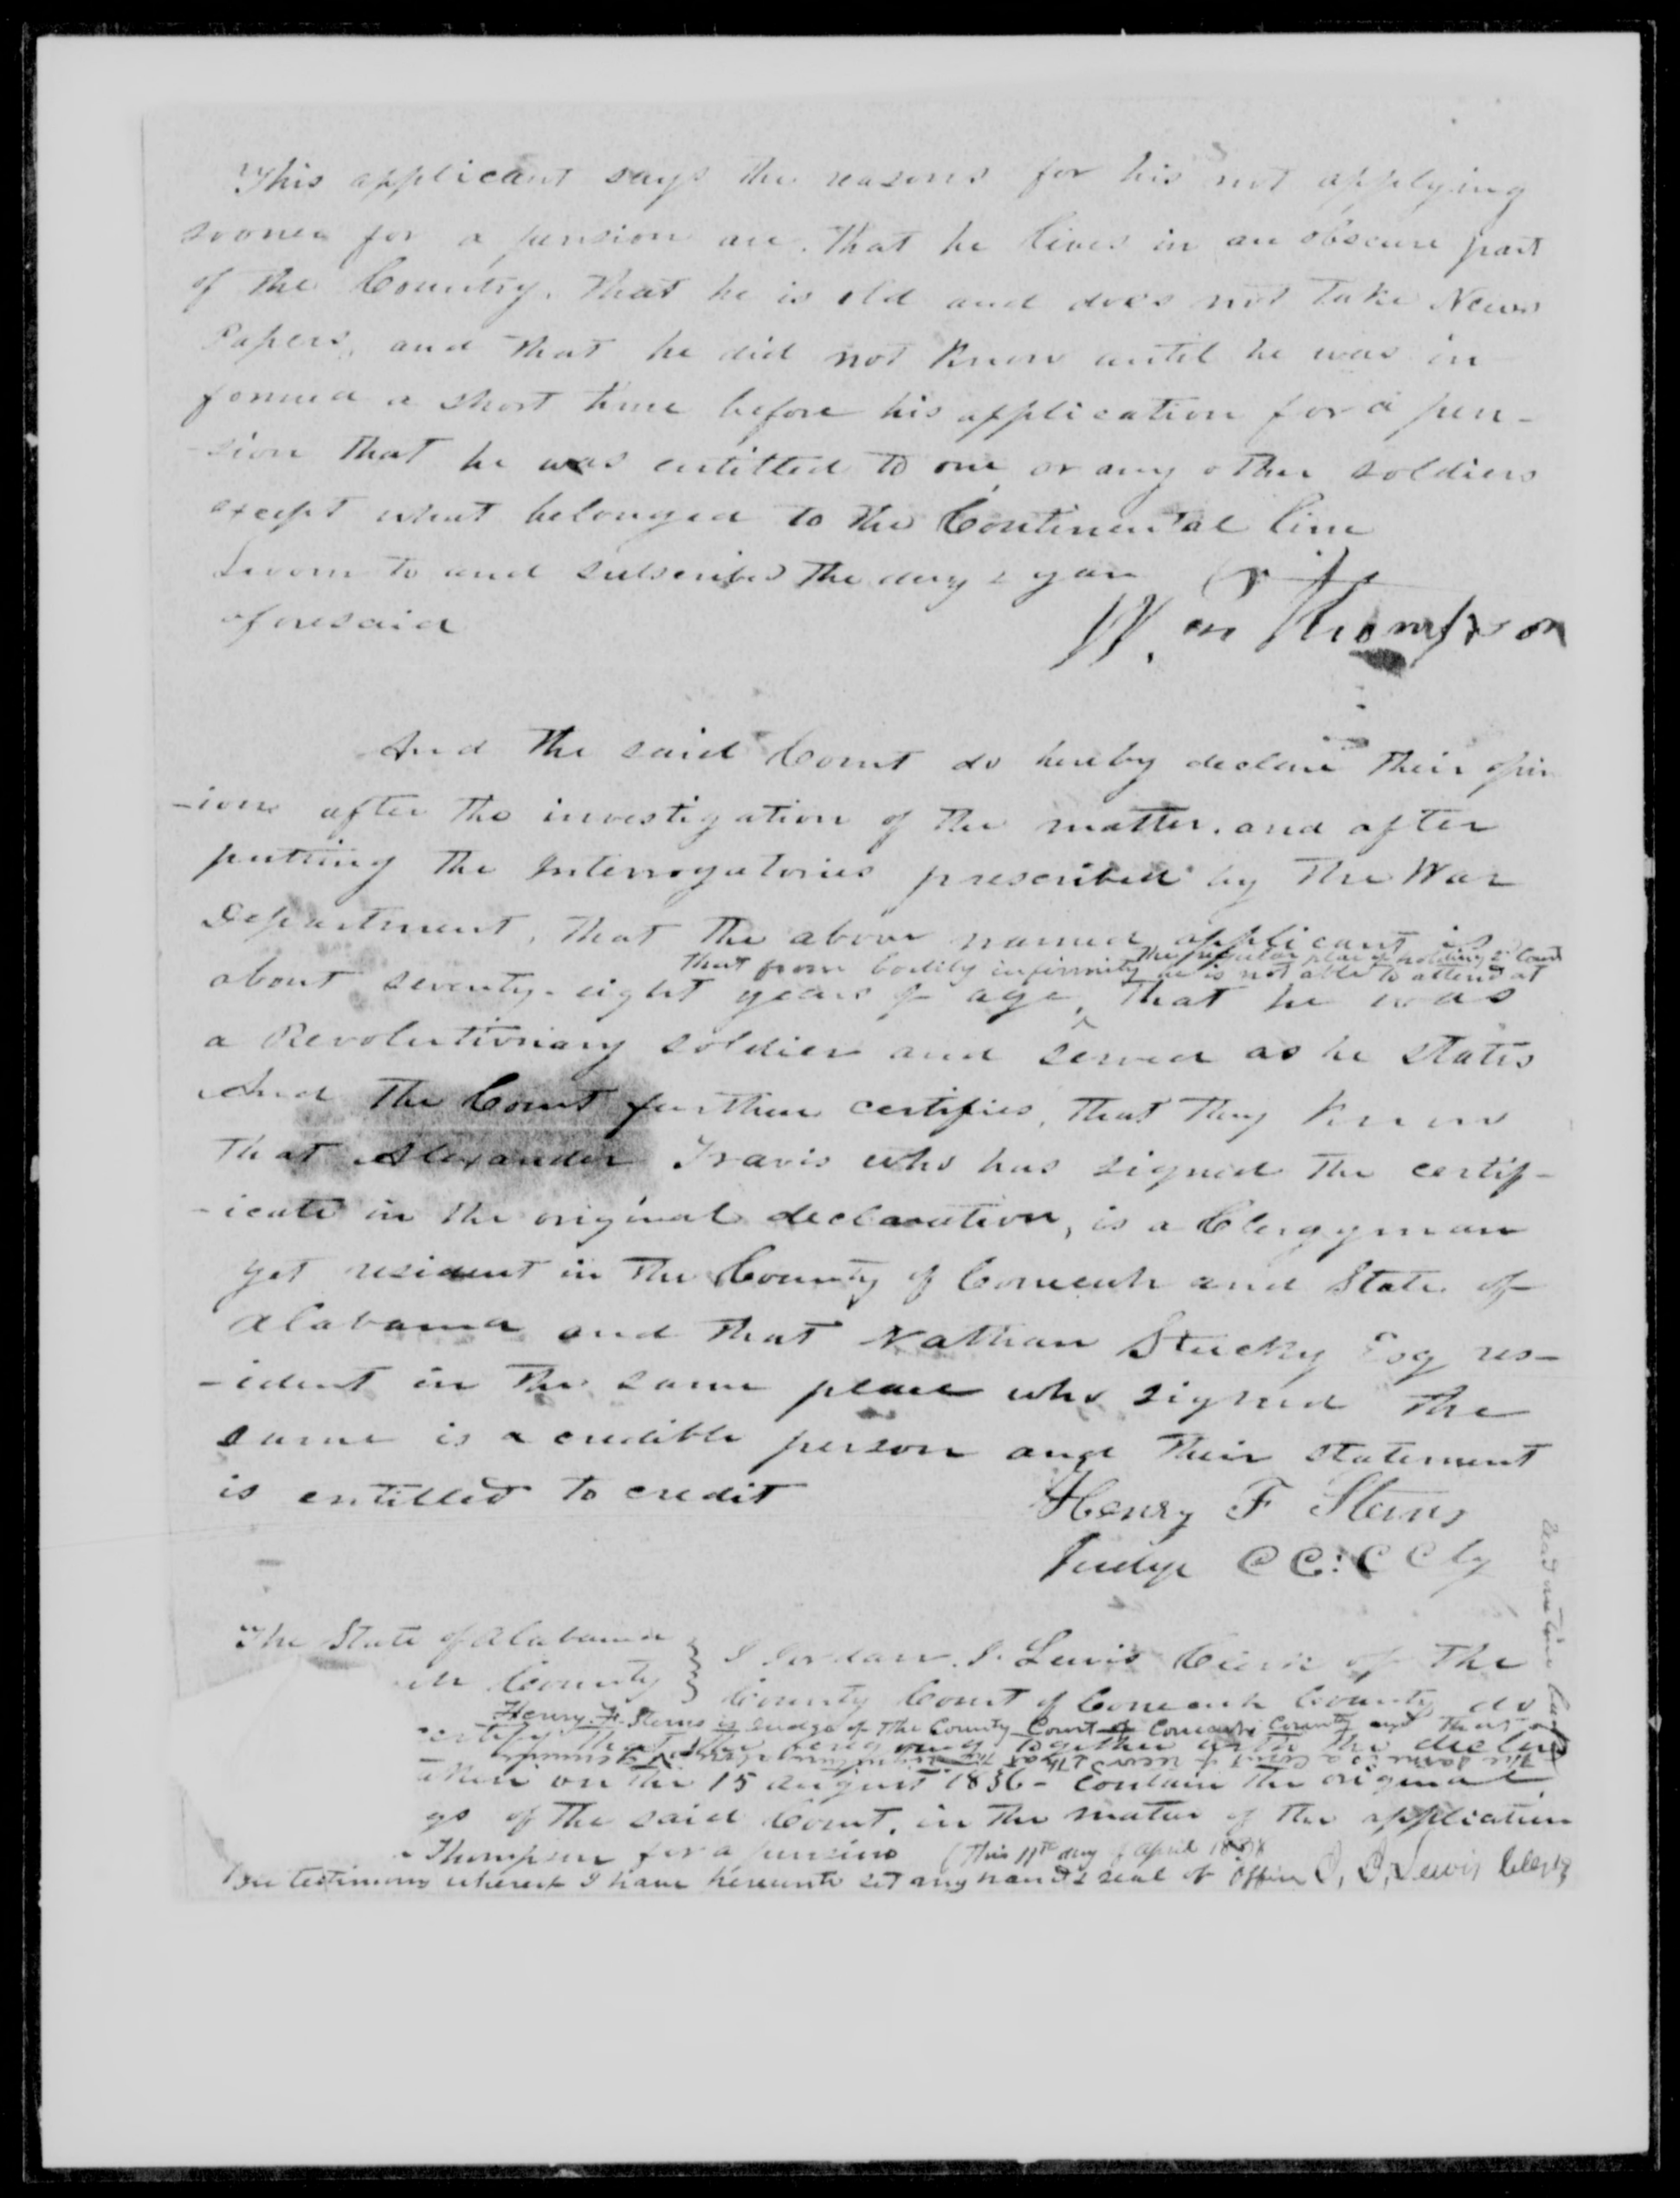This applicant says the reasons for his not applying sooner for a pension are that he lives in an obscure part of the Country. that he is old and does not take News Papers, and that he did not know until he was informed a short time before his application for a pension that he was entitled to one or any other soldiers except what belonged to the Continental line

Sworn to and subscribed the day & year aforesaid
Wm Thompson [signature]

And the said Court do hereby declare it is their opinion after the investigation of the matter and after putting the Interrogatories prescribed by the War department, that the above named applicant is about seventy eight years of age that from bodily infirmity he was unable to attend, he was a Revolutionary soldier and served as he states and the Court further certifies that they know that Alexander Travis who has signed the certificate in the original declaration, is a Clergyman yet resident in the County of Conecuh and State of Alabama and that Nathan Stucky Esq. was resident in the same place who signed the same is a credible person and their statement is entitled to credit
Henry F Sterns
Judge CC Ctyly

The State of Alabama
Conecuh County
I Jordan J. Lewis Clerk of the County Court of Conecuh County do certify that Henry F. Sterns is
First Judge of the County Court of Conecuh County and that [illegible] on the 15 August 1836. contains the original [illegible] of the said Court, in the matter of the application [illegible] Thompson for a pension this 17th day of April 1838
In testimony whereof I have hereunto set my hand seal of office, J.J. Lewis Clerk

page: 5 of 16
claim: rejected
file: R. 10561, for William Thompson, South Carolina